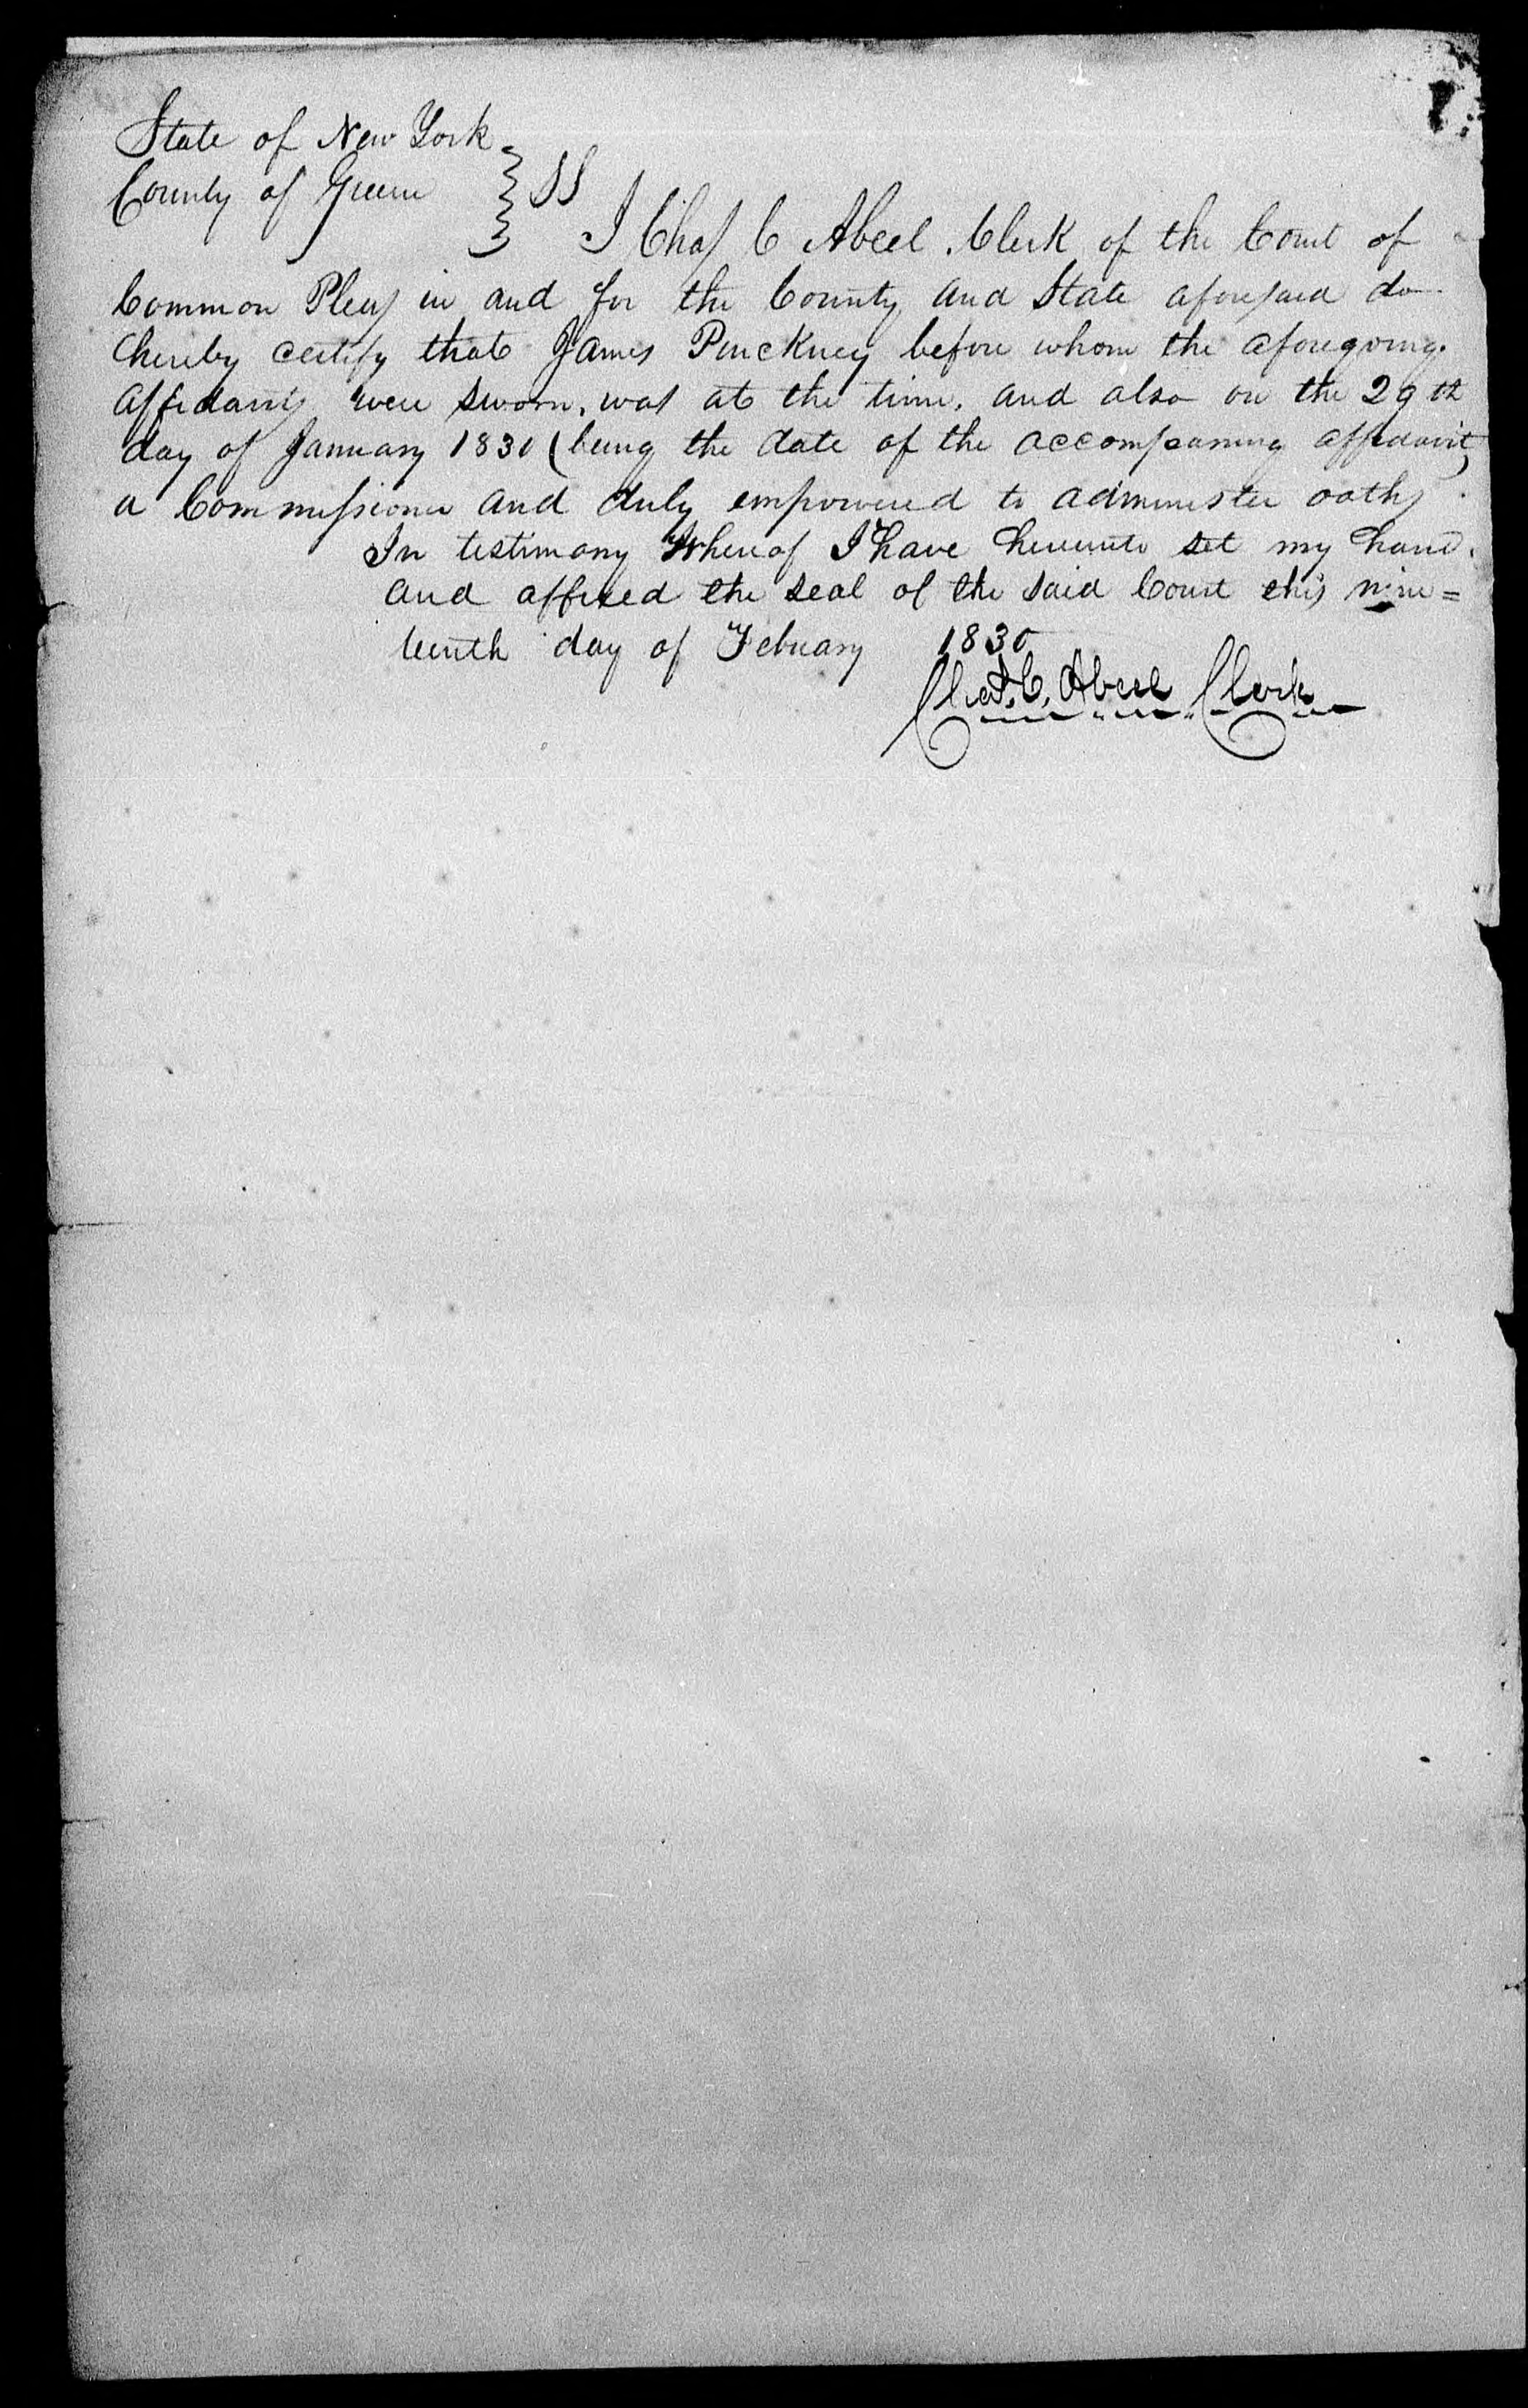State of New York
County of Green } SS
I Chas C Abeel Clerk of the Court of Common Pleas in and for the County and State aforesaid do hereby certify that James Puckney before whom the aforegoing affidavit were sworn, was at the time, and also on the 29th day of January 1830 (being the date of the accompaning affidavit) a Commissioner and duly empowered to administer oaths. In testimony Whereof I have hereunto set my hand, and affixed the seal of the said Court this nine=teenth day of Febuary 1830
[signed] Chas .C. Abeel Clerk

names: Chas C Abeel, James Pinckney, Chas C Abeel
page: 42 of 54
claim: survivor's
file: S. 13,043, Samuel Foster, Conn.